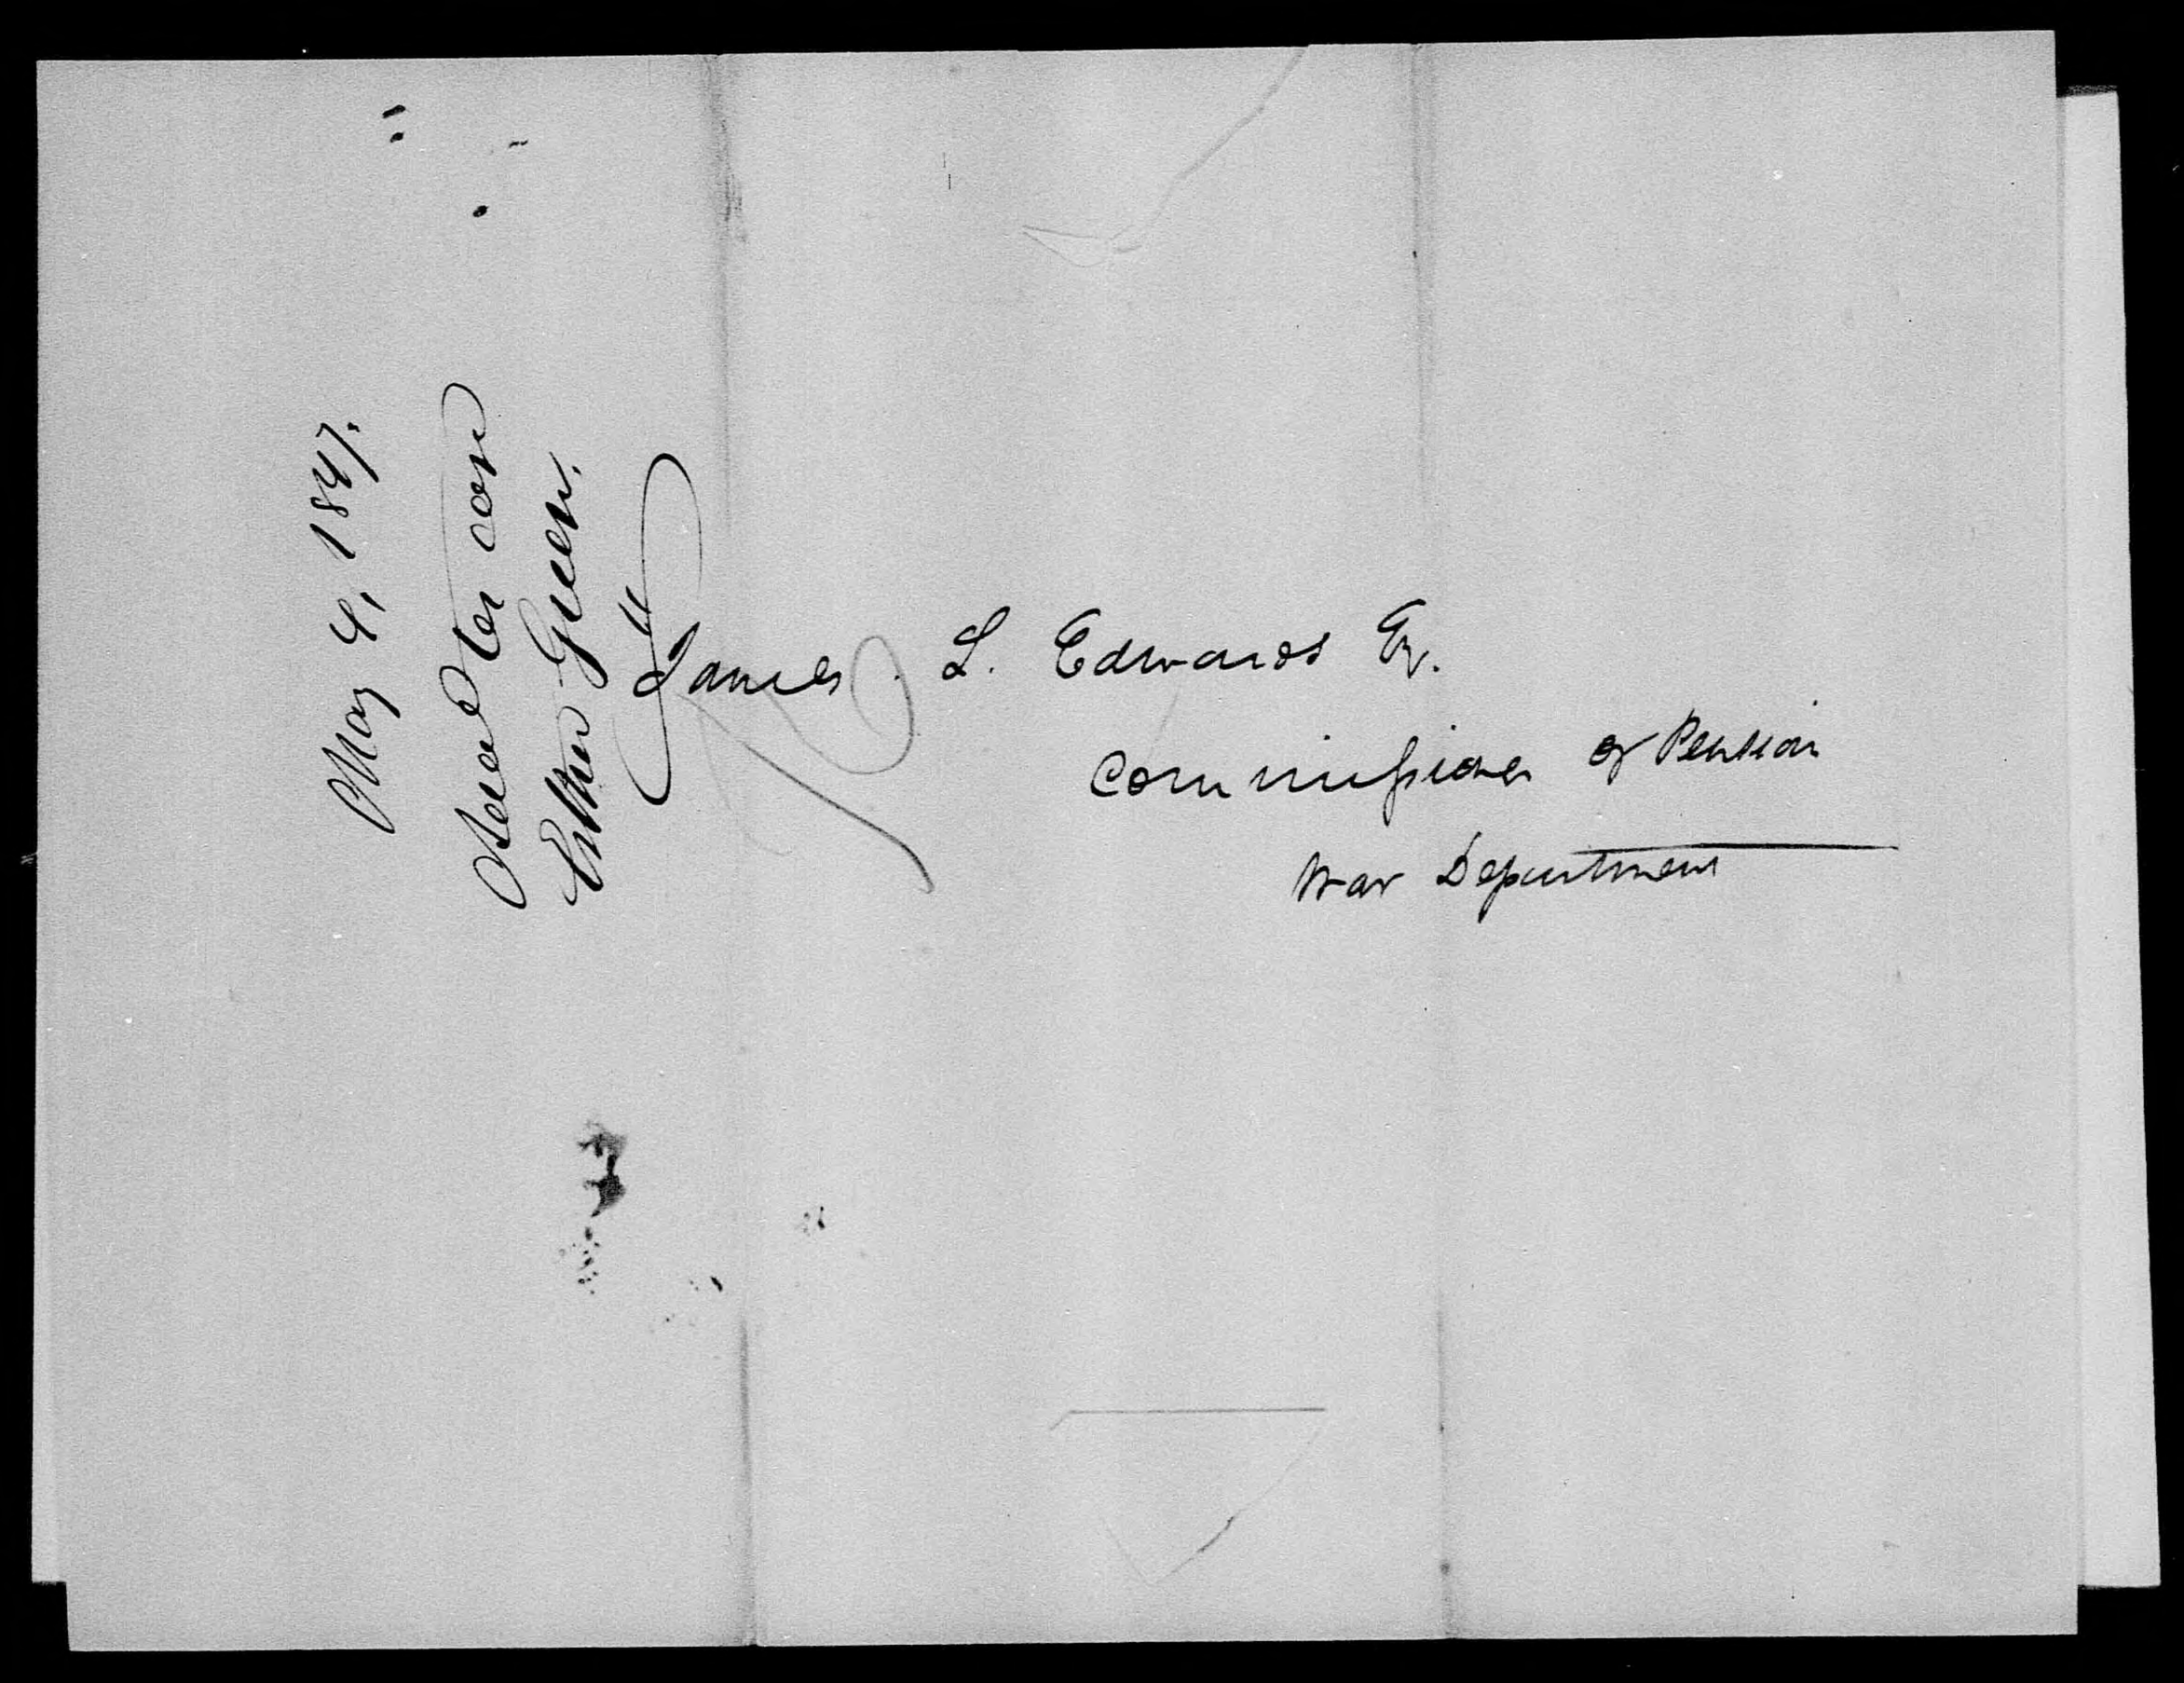May 4, 1847
... the case
Esther Green 

James L. Edwards, Esq
Commissioner of Pensions
War Department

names: Esther Green, James L Edwards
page: 36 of 40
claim: rejected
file: R. 4251, John Green, Conn.